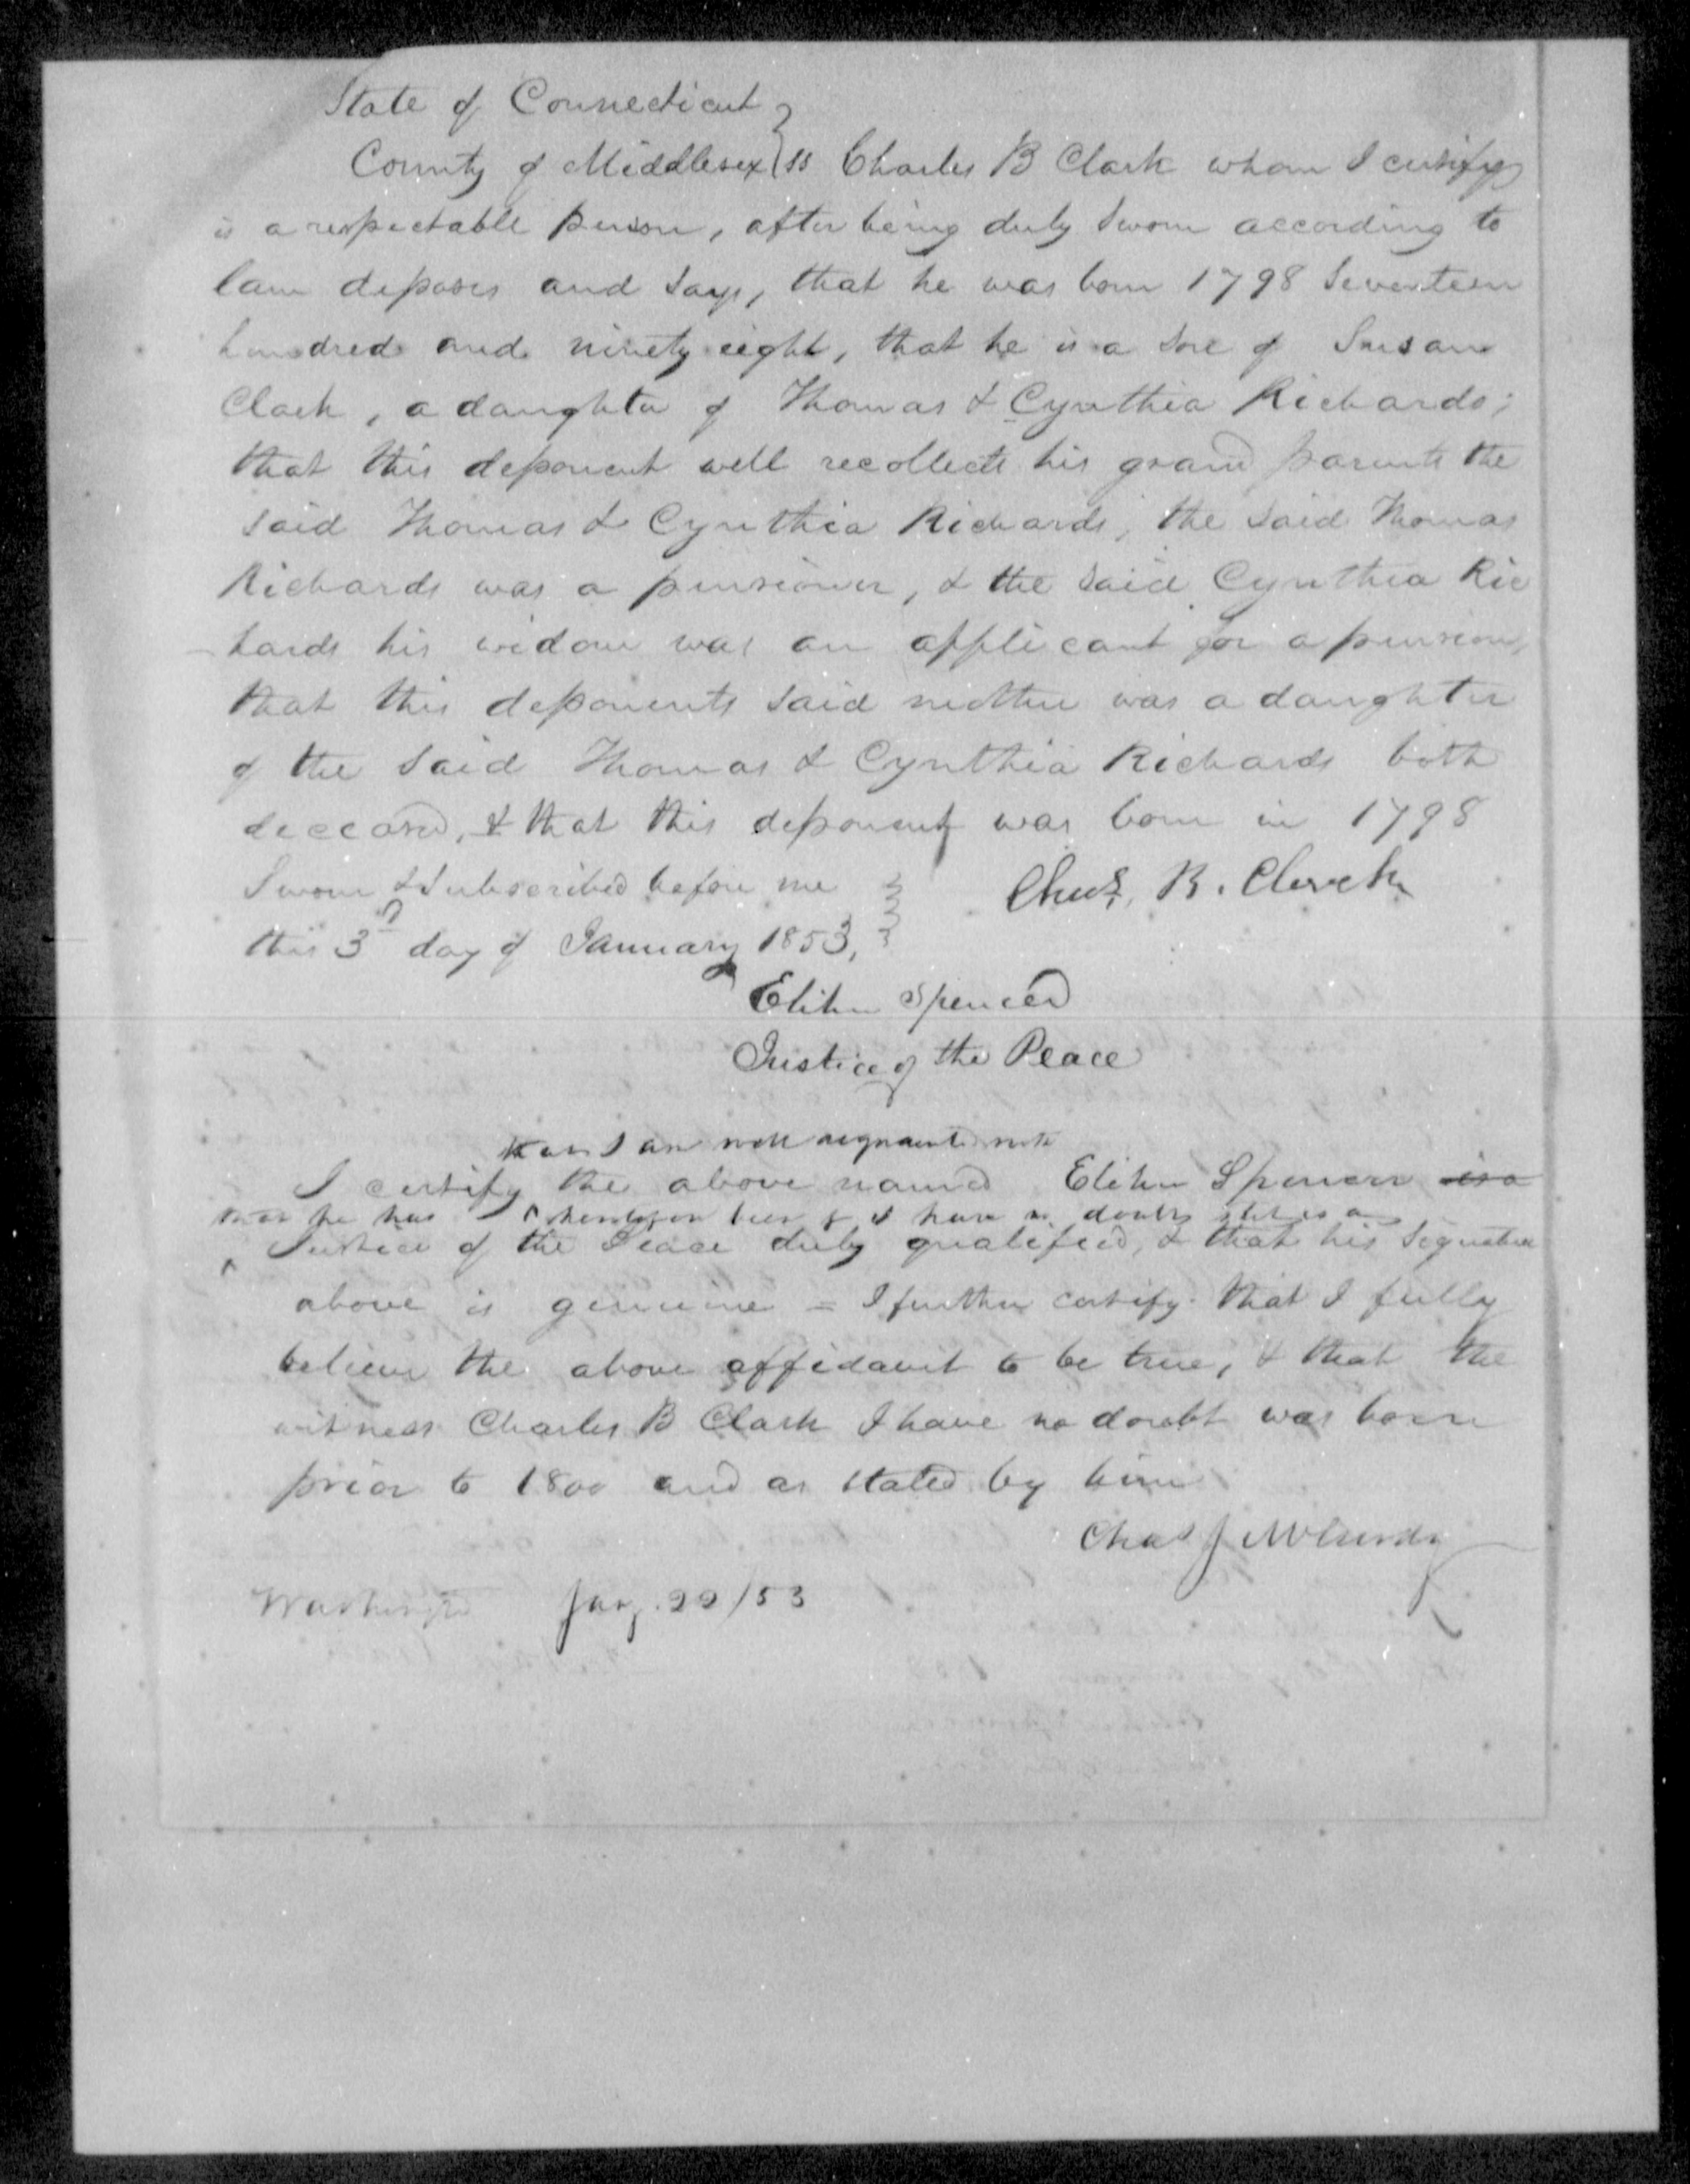State of Connecticut
County of Middlesex} SS Charles B Clark whom I certify
is a respectable person, after being duly sworn according to law deposes and says, that he was born 1798 Seventeen hundred and ninety eight, that he is a son of Susan Clark, a daughter of Thomas & Cynthia Richards; that this deponent well recollects his grand parents the said Thomas & Cynthia Richards, & the said Thomas Richards was a pensioner, & the said Cynthia Richards his widow was an applicant for a pension,
that this deponent said mother was a daughter
of the said Thomas & Cynthia Richards both
deceased, & that this deponent was born in 1798
Sworn & Subscribed before me this 3d day of January 1853,} Charles B. Clark
Elihu Spencer
Justice of the Peace

I certify that I am well acquainted with the above named Elihu Spencer that he has [illegible] been & I have no doubt he is a Justice of the Peace duly qualified & that his signature above is genuine. I further certify that I fully believe the above affidavit to be true, & that the witness Charles B Clark I have no doubt was born prior to 1800 and as stated by him
Chas [CHARLES] J McCurdy

Washington
Jany [JANUARY] 22 [18]/53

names: Chas J Mc Curdy; Cynthia Richards; Elihu Spencer; Thomas Richards; Charles B Clark; Chas R Clark; Cynthia Richards; Cynthia Richards; Thomas Richards; Charles B Clark; Thomas Richards; Thomas Richards; Susan Clark; Elihu Spencer; Cynthia Richards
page: 14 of 109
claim: widow's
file: W. 5709, for Thomas Richards, New Hampshire